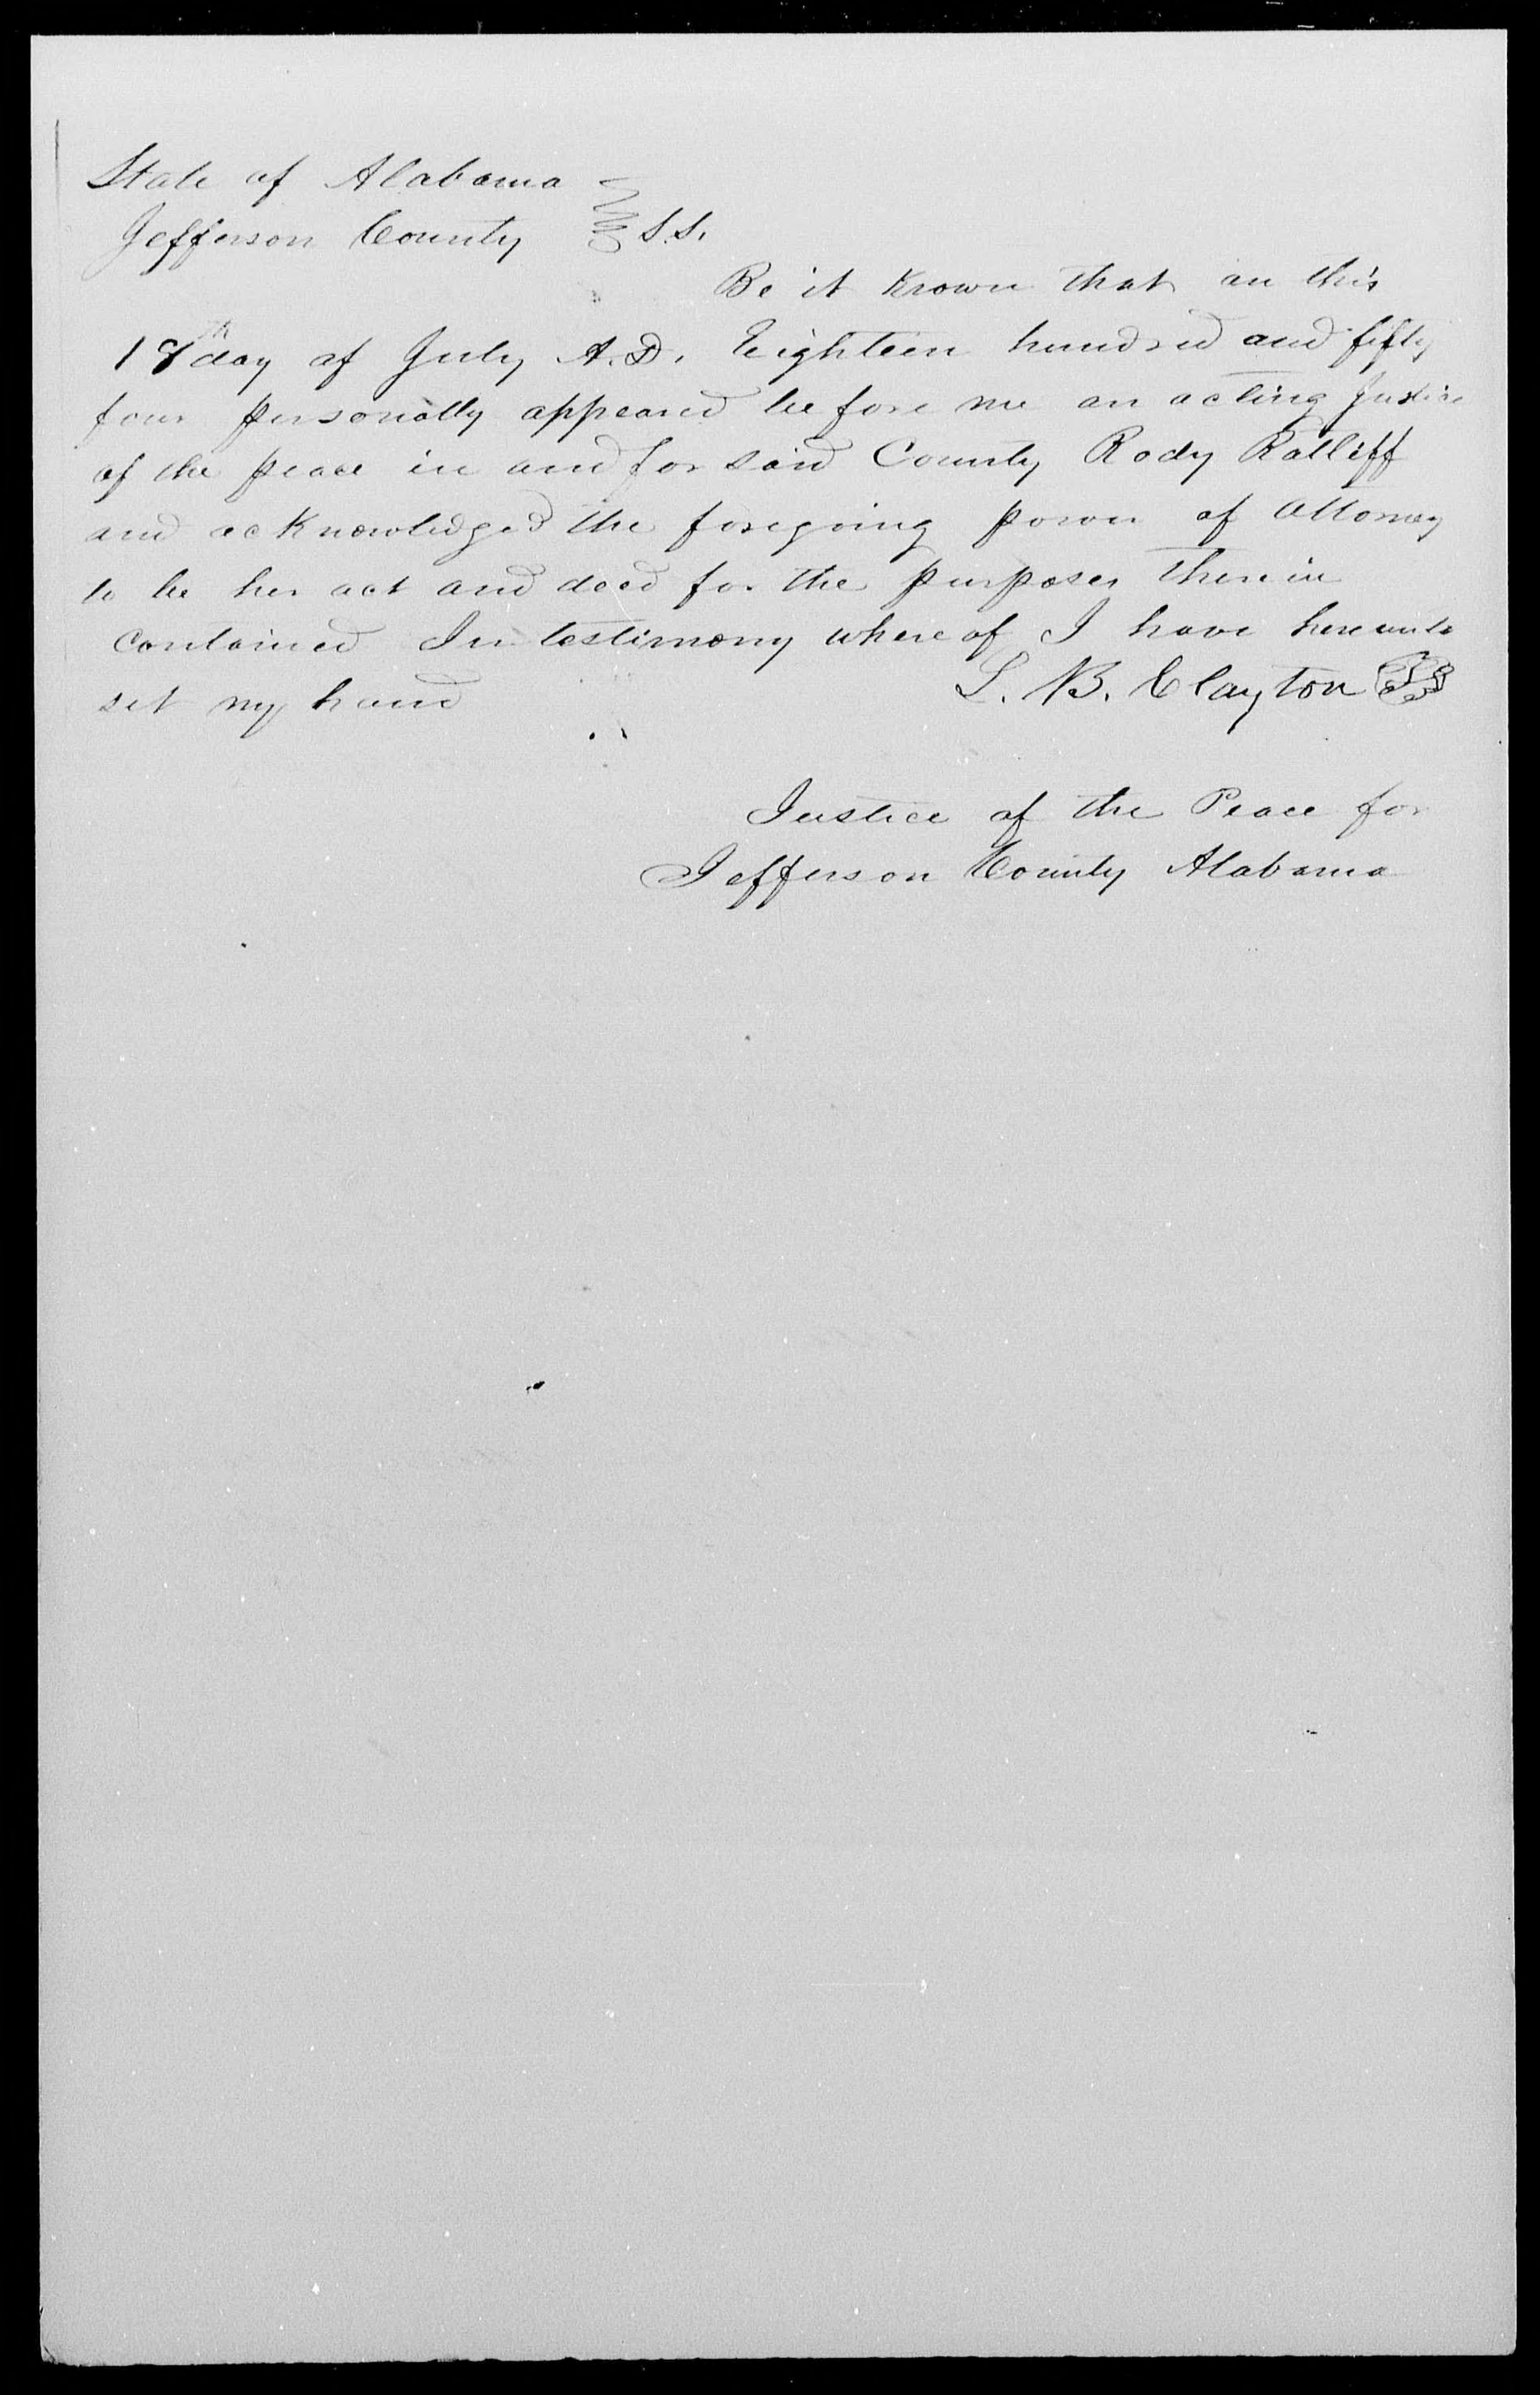State of Alabama
Jefferson County ⎬ S.S.
Be it Known that on this 18th day of July A.D. Eighteen hundred and fifty four personally appeared before me an acting Justice of the peace in and for said County Rody Ratliff and acknowledged the foregoing power of attorney to be her act and deed for the purposes therein contained In testimony whereof I have hereunto
set my hand
L. B. Clayton {seal}
Justice of the Peace for
Jefferson County Alabama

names: L B Clayton, Rody Ratliff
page: 15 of 22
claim: rejected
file: R. 411, Elisha Baker, N.C.